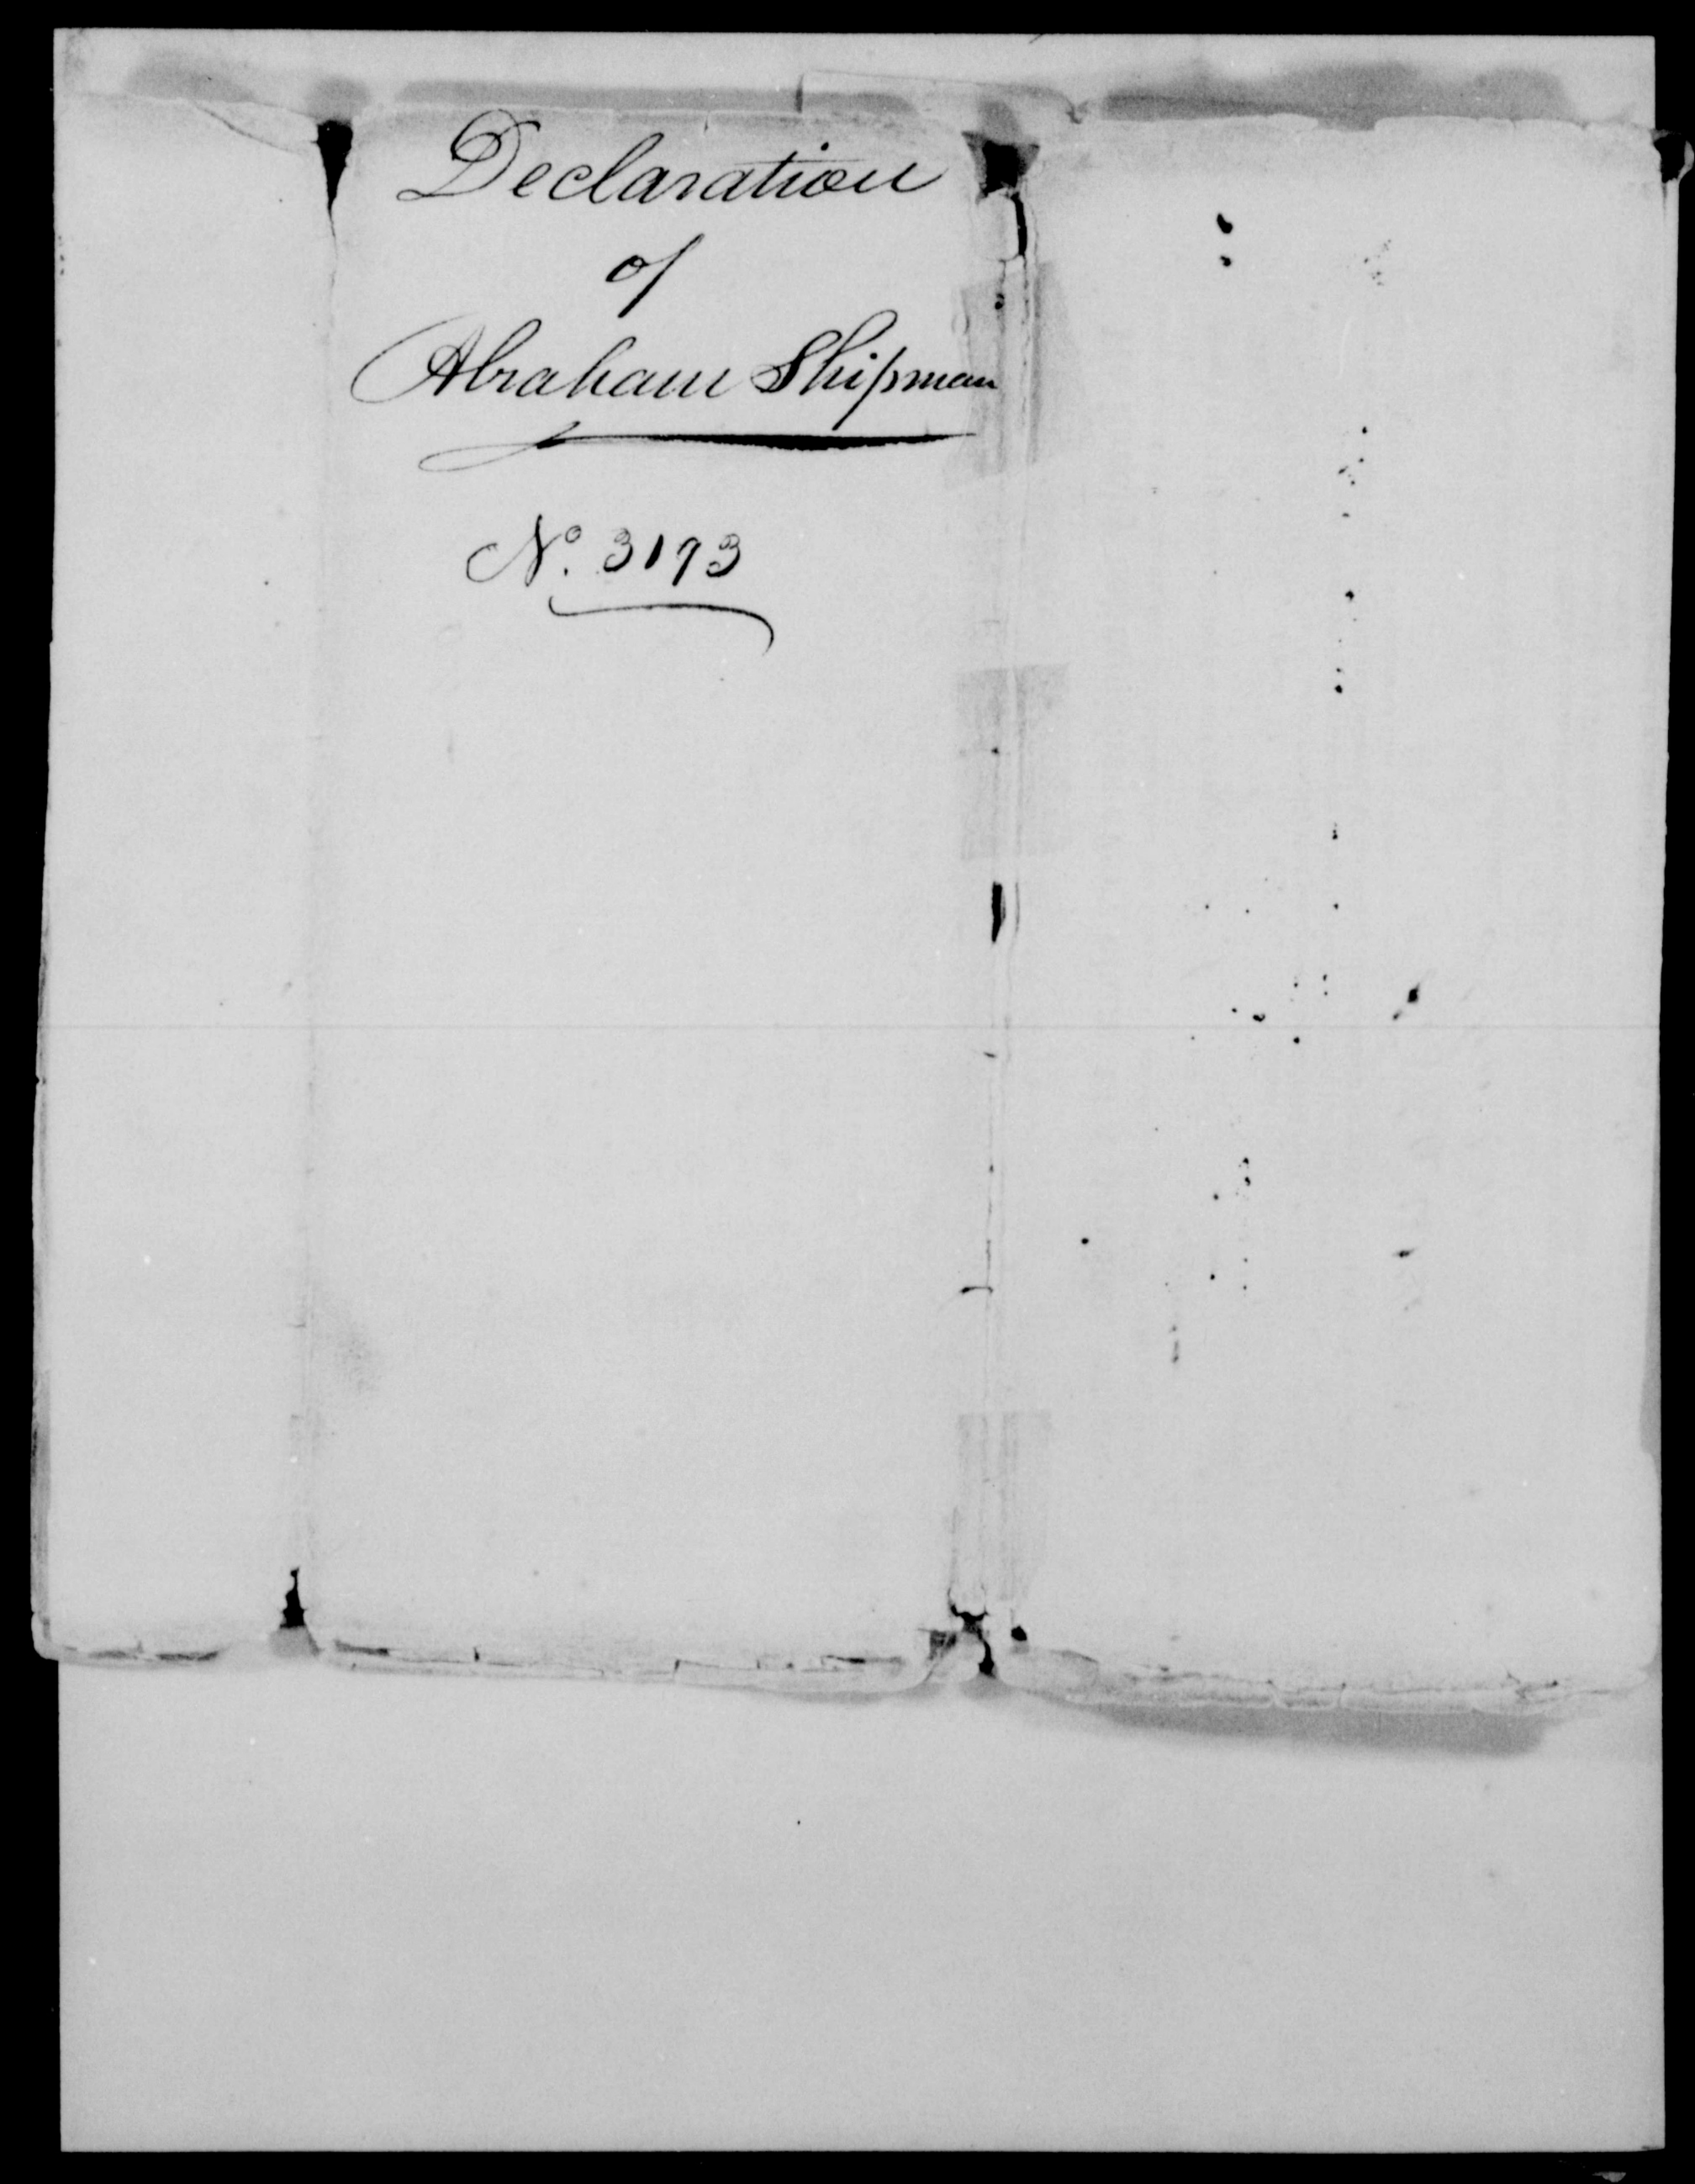Declaration 
of 
Abraham Shipman 
No. 3173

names: Abraham Shipman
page: 7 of 13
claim: survivor's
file: S. 15977, for Abraham Shipman, Vermont